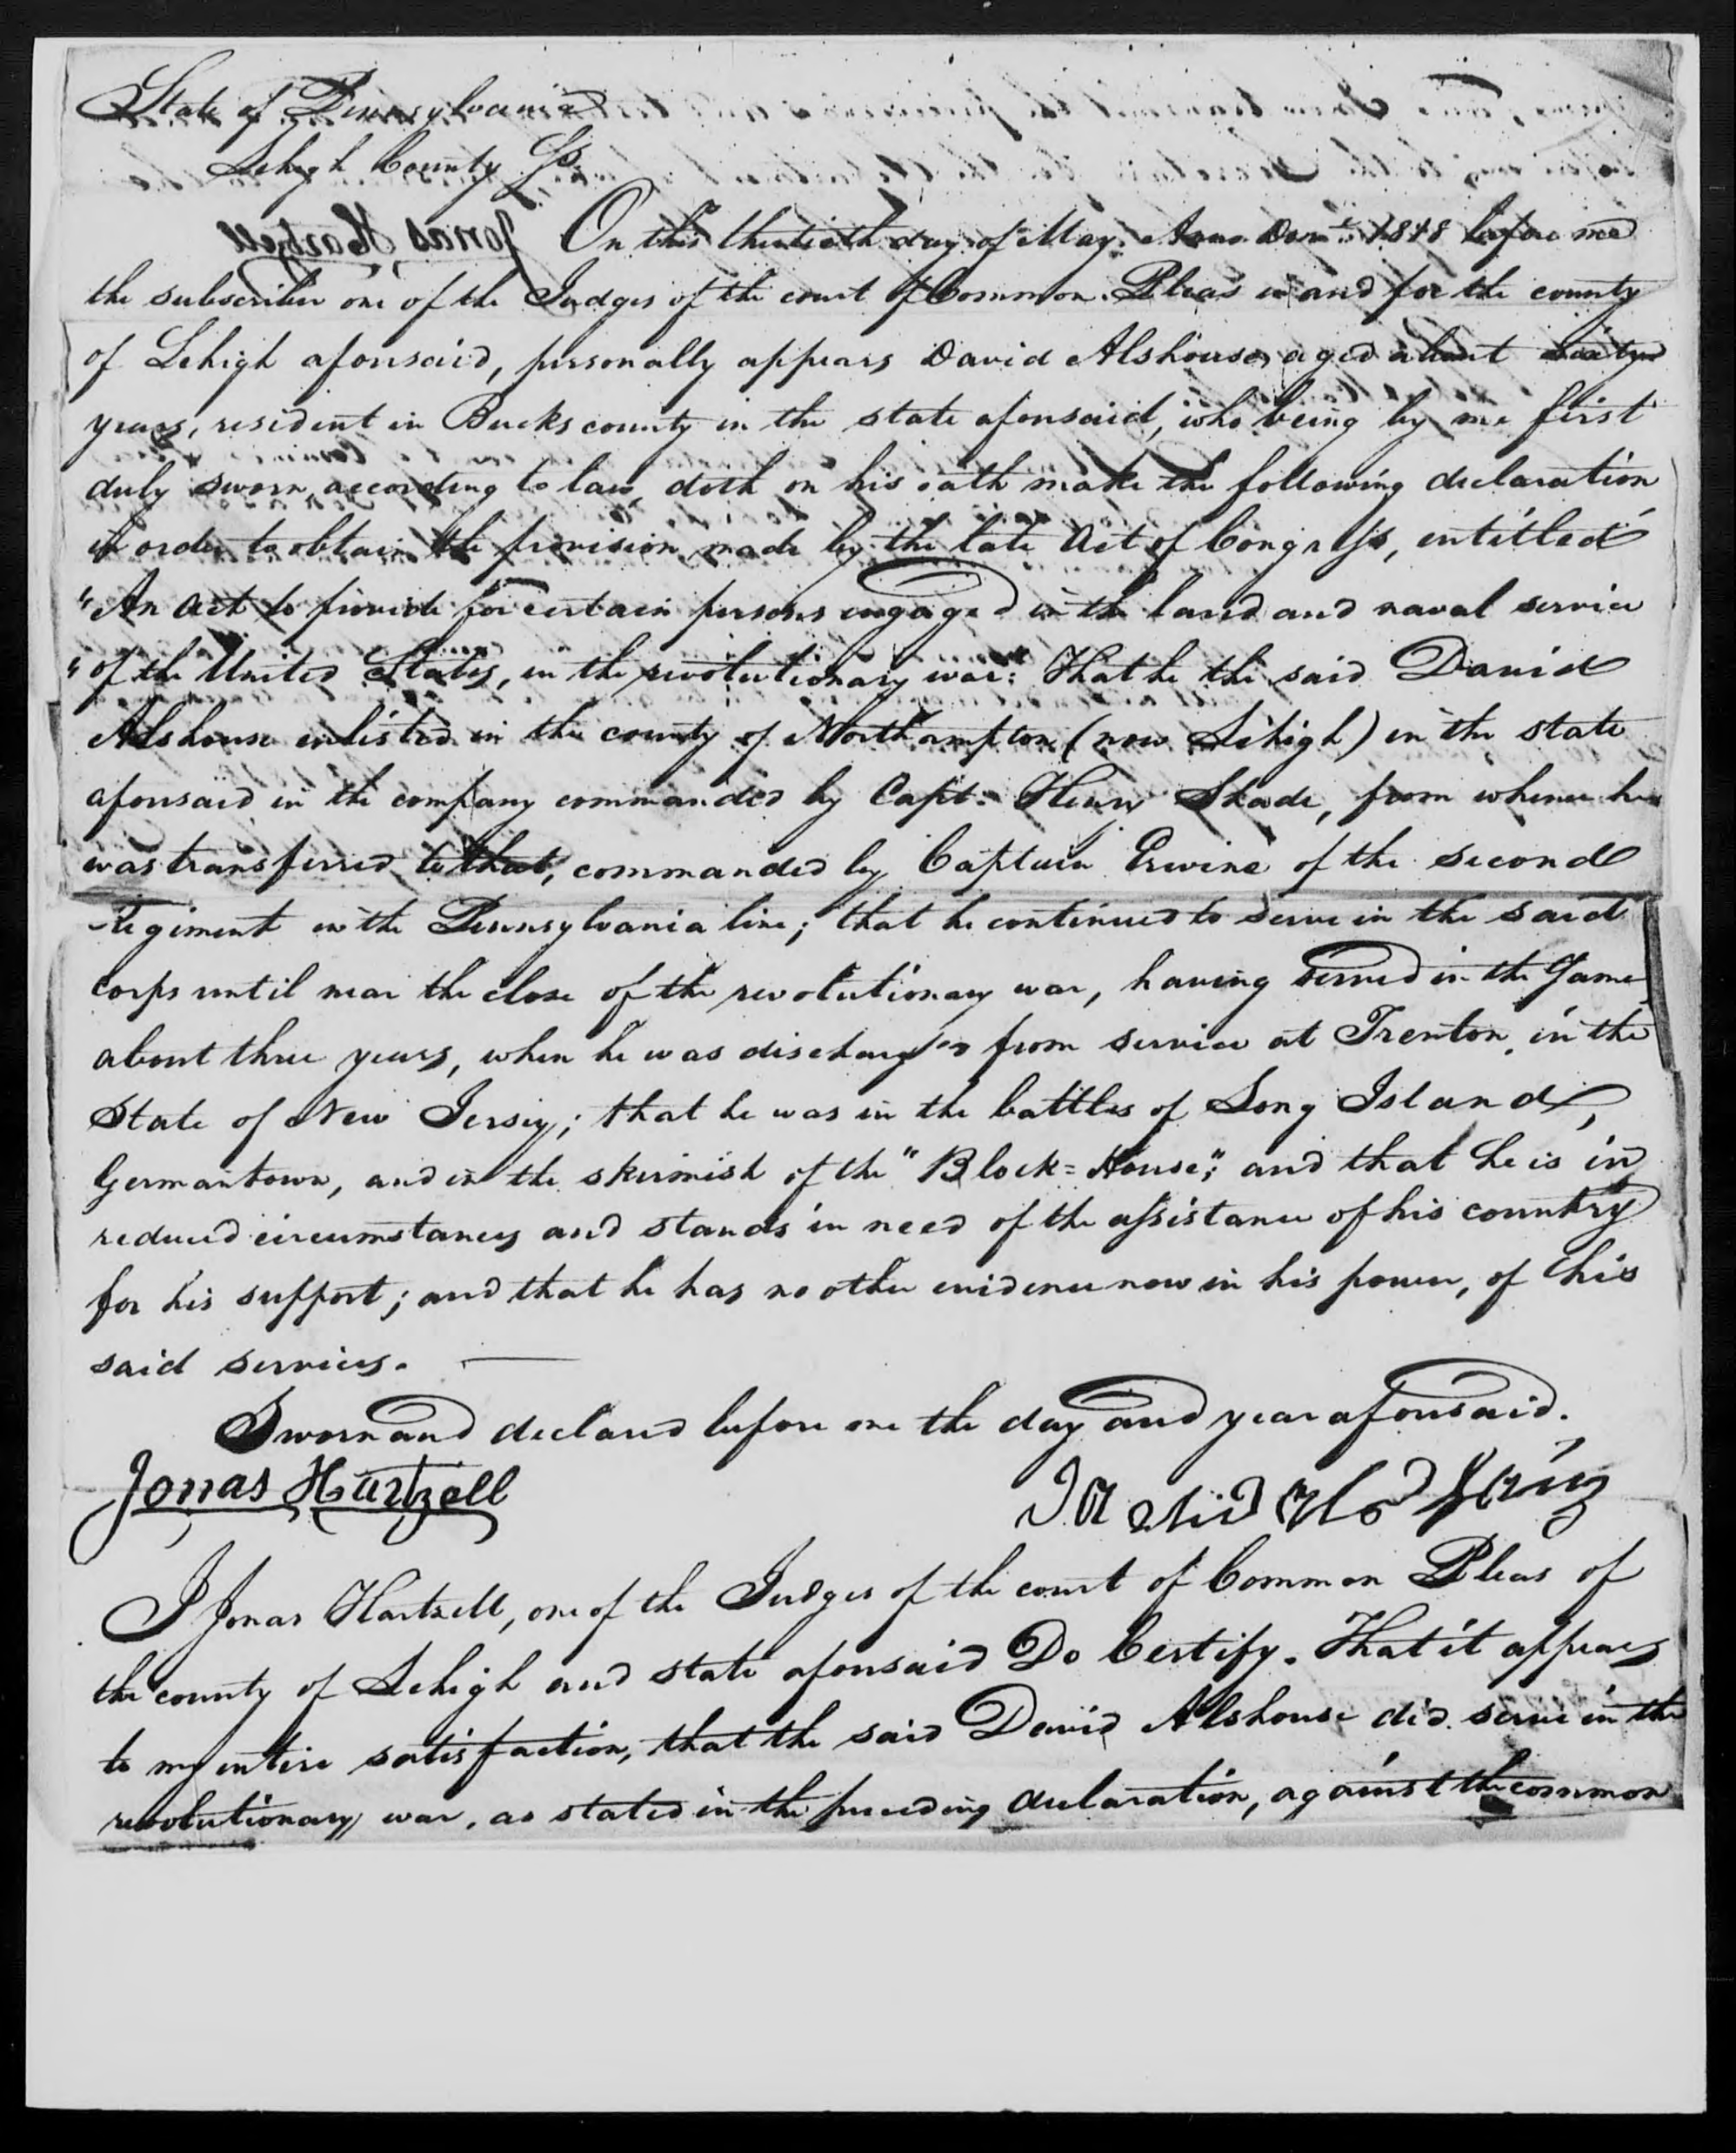State of Pennsylvania
Lehigh County Ss

[Jonas Hartzell printed backward]  
On this thirtieth day of May Anno Domini 1848 before me the subscriber one of the Judges of the court of Common Pleas in and for the county of Lehigh aforesaid, personally appears David Alshouse aged about sixty years, resident in Bucks County in the state aforesaid, who being by me first duly sworn according to law, doth on his oath make the following declaration in order to obtain the provision made by the late Act of Congress, entitled "an  act to furnish for certain persons engaged in the land and naval service of the United States, in the revolutionary war":  that he the said Daniel Alshouse enlisted in the county of Northampton (now Lehigh) in the state aforesaid in the company commanded by Capt. Henry Shade, from where he was transferred to, commanded by Captain Erwine of the second regiment in the Pennsylvania line; that he continued to serve in said corps until near the close of the revolutionary war, having served in the same about three years, when he was discharged from service at Trenton, in the State of New Jersey; that he was in the battles of Long Island, Germantown, and in the skirmish of the "Block-House"; and that he is in reduced circumstances and stands in need of the assistance of his country for his support; and that he has no other evidence now in his power, of his said services.
David Alshouse [signature]

Sworn and declared before me the day and year aforesaid.
Jonas Hartzell [signature]

I Jonas Hartzell, one of the Judges of the court of Common Pleas of the county of Lehigh and state aforesaid Do certify that it appears to my entire satisfaction, that the said David Alshouse did serve in the revolutionary war, as stated in the preceding declaration against the common enemy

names: David Alshouse, David Alshouse, Henry Shade, Jonas Hartzell, Jonas Hartzell, David Alshouse, Erwins, David Alshouse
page: 5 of 17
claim: survivor's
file: S. 39928, David Alshouse, Penn.